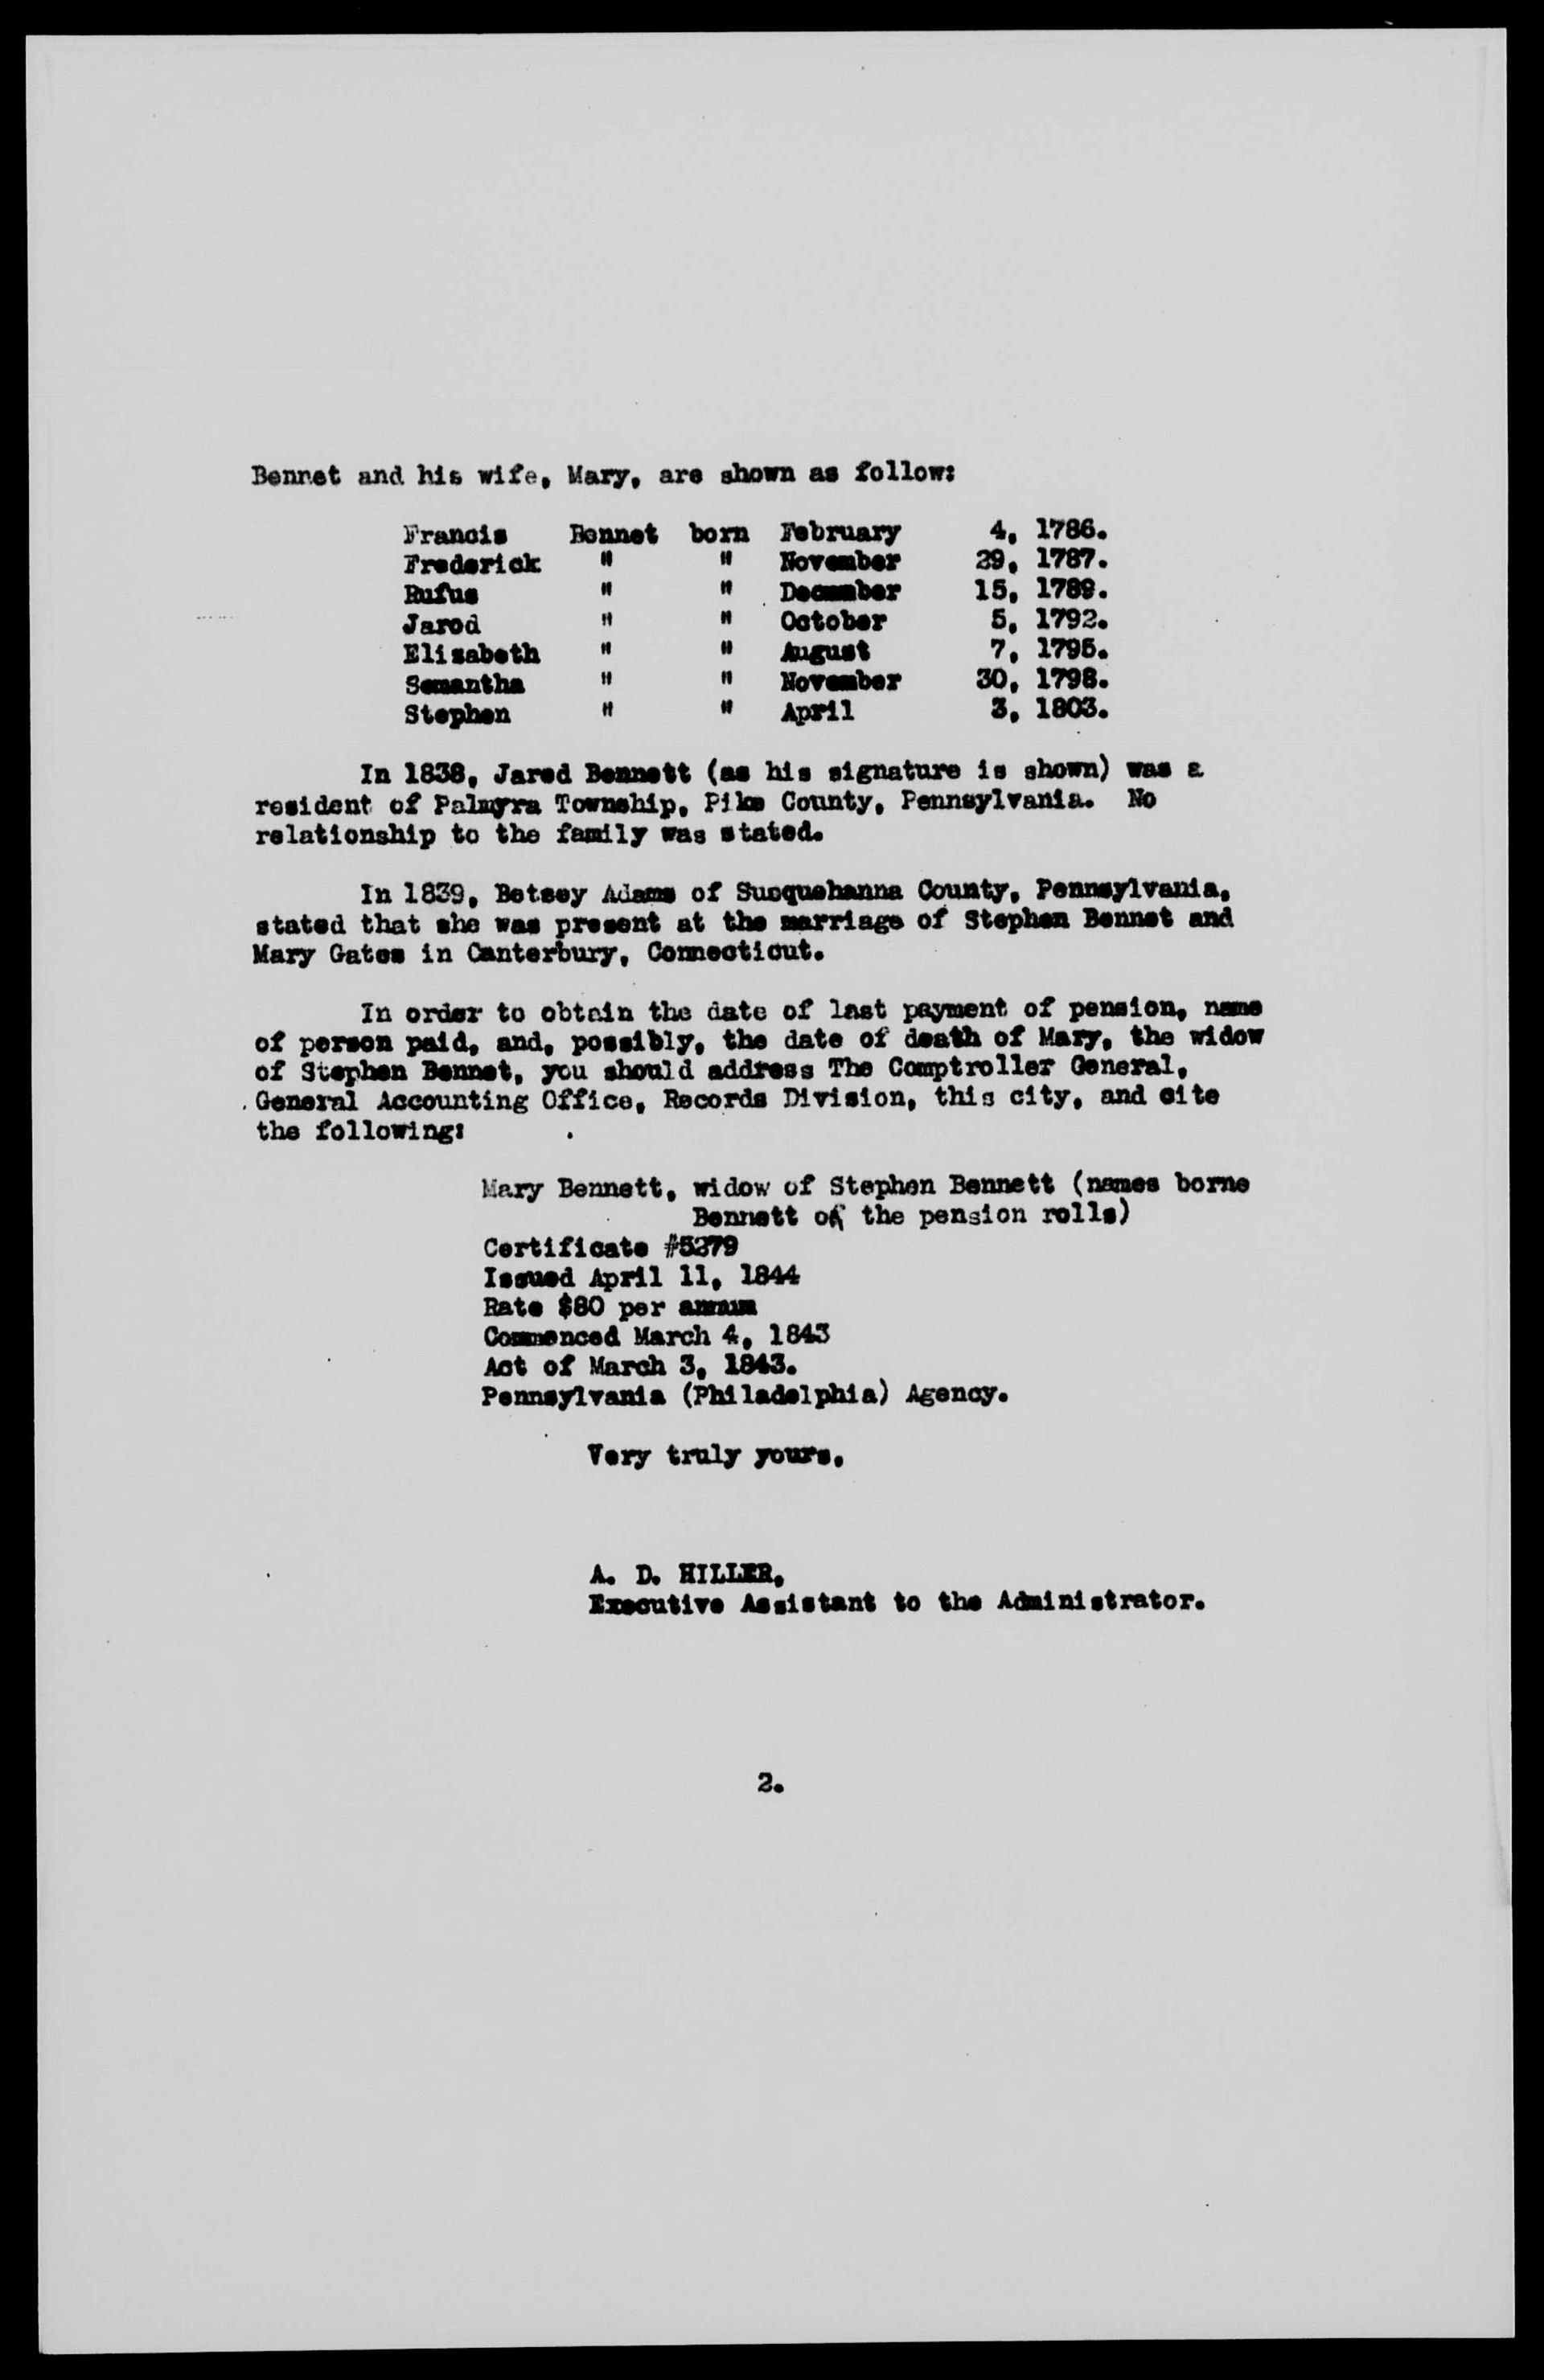Bennet and his wife, Mary, are shown as follows:

Francis Bennet born February 4, 1786.
Frederick Bennet born November 29, 1787.
Rufus Bennet born December 15, 1789.
Jared Bennet born October 5, 1792.
Elizabeth Bennet born August 7, 1795.
Semantha Bennet born November 30, 1798.
Stephen Bennet born April 3, 1803.

In 1838, Jared Bennett (as his signature is shown) was a
resident of Palmyra Township, Pike County, Pennsylvania. No
relationship to the family was stated.

In 1839, Betsey Adams of Susquehanna County, Pennsylvania,
stated that she was present at the marriage of Stephen Bennet and
Mary Gates in Canterbury, Connecticut.

In order to obtain the date of last payment of pension, name of
person paid, and, possibly, the date of death of Mary, the widow
of Stephen Bennet, you should address The Comptroller General, 
General Accounting Office, Records Division, this city, and cite
the following:

Mary Bennett, widow of Stephen Bennett (names borne
Bennett of the pension rolls)
Certificate #5279
Issued April 11, 1844
Rate $80 per annum
Commenced March 4, 1843
Act of March 3, 1843.
Pennsylvania (Philadelphia) Agency.
Very truly yours,
A. D. HILLER,
Executive Assistant to the Administrator.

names: Jared Bennett, Bennett, Stephen Bennett, Bennet, Francis Bennet, Mary, Stephen Bennet, Stephen Bennet, Frederick Bennet, Mary Gates, Jarod Bennet, Semantha Bennet, Rufus Bennet, Betsey Adams, Mary, Mary Bennett, Elizabeth Bennet, Stephen Bennet, A D Hiller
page: 13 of 79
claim: widow's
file: W. 2,906, Stephen Bennet, Conn.